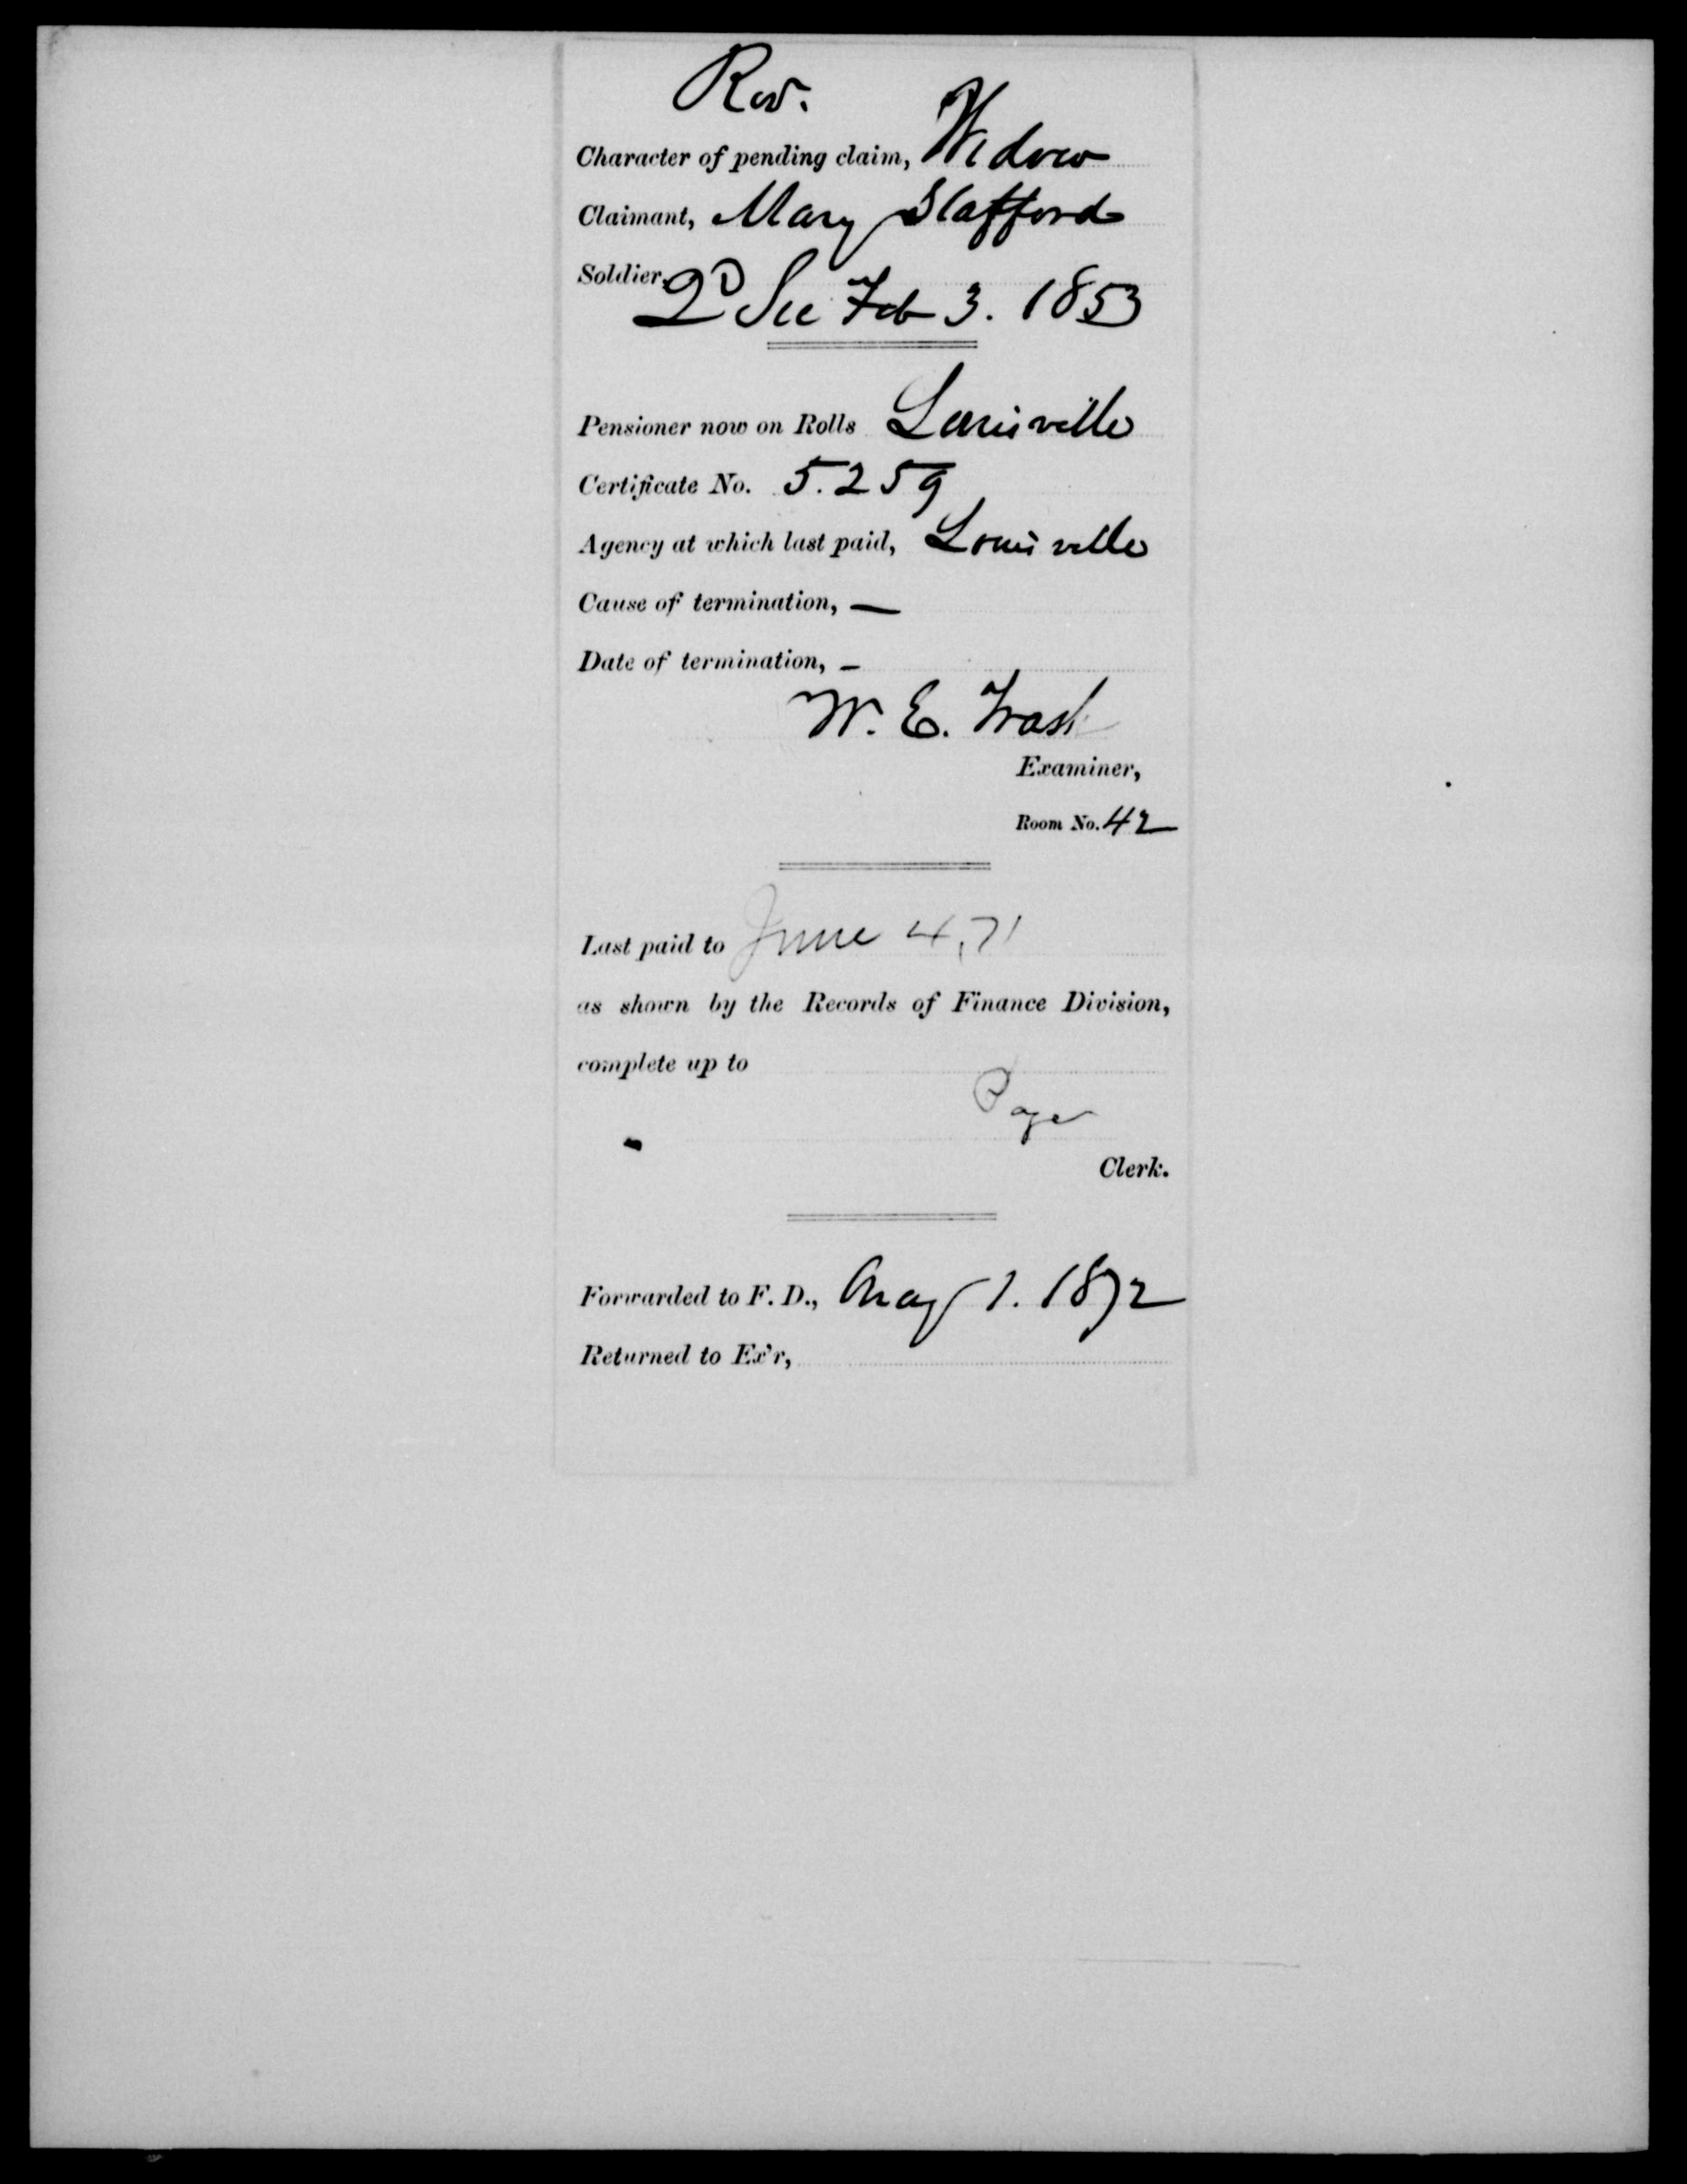Rev.
Character of pending claim, Widow
Claimant, Mary Stafford
Soldier 20 Sec Feb 3 1853

Pensioner now on Rolls Louisville Certificate No. 5259
Agency at which last paid, Louisville
Cause of termination, ——
Date Of Termination, —-
W. E. Traslk
Examiner, Room No. 42
Last paid to June 4, 71
as shown by the Records of Finance division complete up to 
Pge
Clerk
Forwarded to F. D., May 1 1872

Returned to Ex’r,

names: W E Trask; Mary Stafford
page: 60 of 61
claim: widow's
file: W. 11554, for John Stafford, Maryland